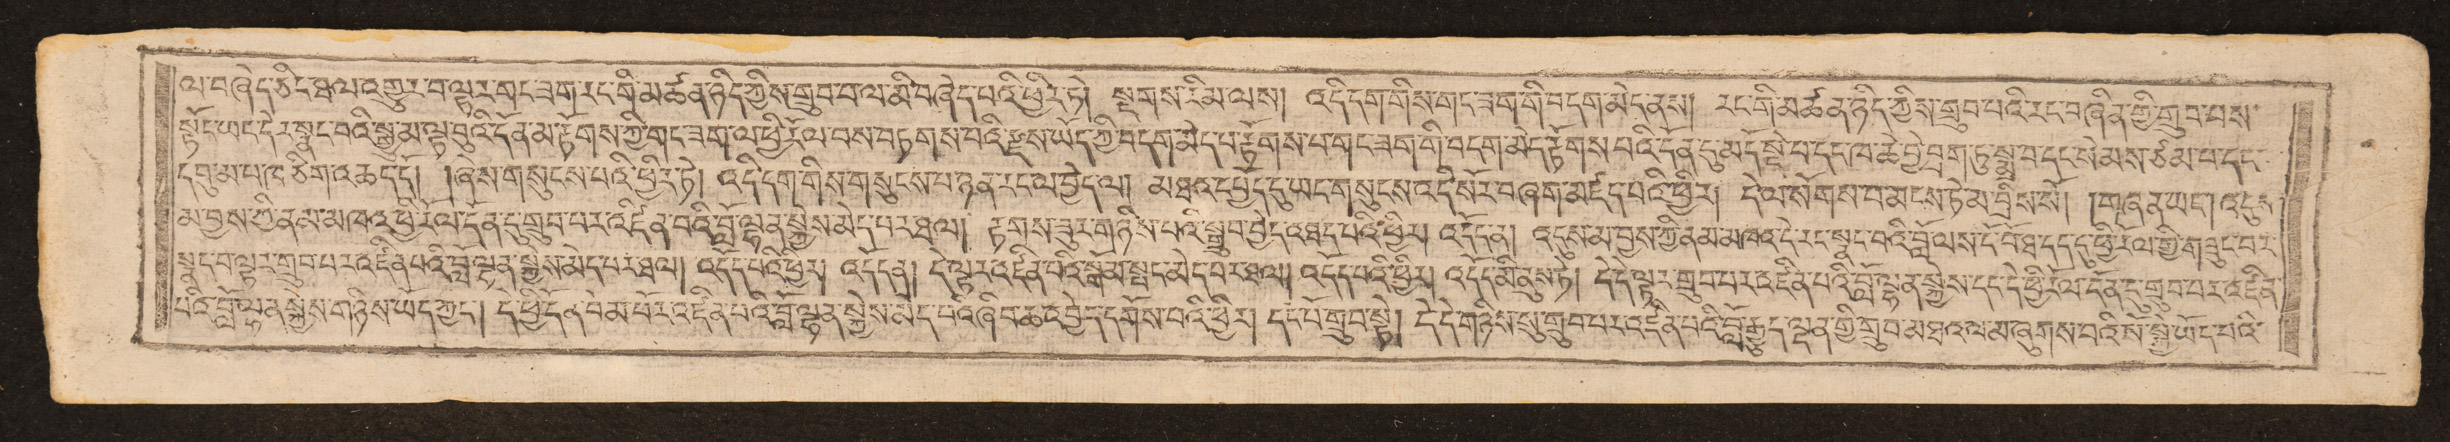ལ་བཞེད་ཅིང་ཐལ་འགྱུར་བ་ལྟར་གང་ཟག་རང་གི་མཚན་ཉིད་ཀྱིས་གྲུབ་པ་ལ་མི་བཞེད་པའི་ཕྱིར་ཏེ། སྔགས་རིམ་ལས། འདི་དག་གིས་གང་ཟག་གི་བདག་མེད་ནས། རང་གི་མཚན་ཉིད་ཀྱིས་གྲུབ་པའི་རང་བཞིན་གྱི་གྲུབ་པས་
སྟོང་ཡང་དེར་སྣང་བའི་སྒྱུ་མ་ལྟ་བུའི་དོན་མ་རྟོགས་ཀྱི་གང་ཟག་ལ་ཕྱི་རོལ་བས་བཏགས་པའི་རྫས་ཡོད་ཀྱི་བདག་མེད་པ་རྟོགས་པ་གང་ཟག་གི་བདག་མེད་རྟོགས་པའི་དོན་དུ་མདོ་སྡེ་པ་དང་ཁ་ཆེ་བྱེ་བྲག་ཏུ་སྨྲ་བ་དང་སེམས་ཙམ་པ་དང་
དབུ་མ་པ་ཁ་ཅིག་འཆད་དོ། །ཞེས་གསུངས་པའི་ཕྱིར་ཏེ། འདི་དག་གིས་གསུངས་པ་ཉན་རང་ལ་བྱེད་ལ། མཐའ་དཔྱོད་དུ་ཡང་གསུངས་འདི་སོར་བཞག་མཛད་པའི་ཕྱིར། དེ་ལ་སོགས་པ་མངས་ཏེ་མ་བྲིས་སོ། །གཞན་ཡང་། འདུས་
མ་བྱས་ཀྱི་ནམ་མཁའ་ཕྱི་རོལ་དོན་དུ་གྲུབ་པར་འཛིན་པའི་བློ་ལྷན་སྐྱེས་མེད་པར་ཐལ། རྟགས་ཟུར་གཉིས་པའི་སྒྲུབ་བྱེད་འཐད་པའི་ཕྱིར། འདོད་ན། འདུས་མ་བྱས་ཀྱི་ནམ་མཁའ་དེ་རང་སྣང་བའི་བློ་ལས་ངོ་བོ་ཐ་དད་དུ་ཕྱི་རོལ་གྱི་གཟུང་བར་
སྣང་བ་ལྟར་གྲུབ་པར་འཛིན་པའི་བློ་ལྷན་སྐྱེས་མེད་པར་ཐལ། འདོད་པའི་ཕྱིར། འདོད་ན། དེ་ལྟར་འཛིན་པའི་སྒོམ་སྤང་མེད་པར་ཐལ། འདོད་པའི་ཕྱིར། འདོད་མི་ནུས་ཏེ། དེ་དེ་ལྟར་གྲུབ་པར་འཛིན་པའི་བློ་ལྷན་སྐྱེས་དང་དེ་ཕྱི་རོལ་དོན་དུ་གྲུབ་པར་འཛིན་
པའི་བློ་ལྷན་སྐྱེས་གཉིས་ཡོད་ཀྱང་། དེ་ཕྱི་དོན་བེམ་པོར་འཛིན་པའི་བློ་ལྷན་སྐྱེས་མེད་པའི་ཞིབ་ཆ་འབྱེད་དགོས་པའི་ཕྱིར། དང་པོ་གྲུབ་སྟེ། དེ་དེ་གཉིས་སུ་གྲུབ་པར་འཛིན་པའི་བློ་རྒྱུད་ལྡན་གྱི་གྲུབ་མཐའ་ལ་མ་ཞུགས་པའི་སོ་སྐྱེ་ཡོད་པའི་